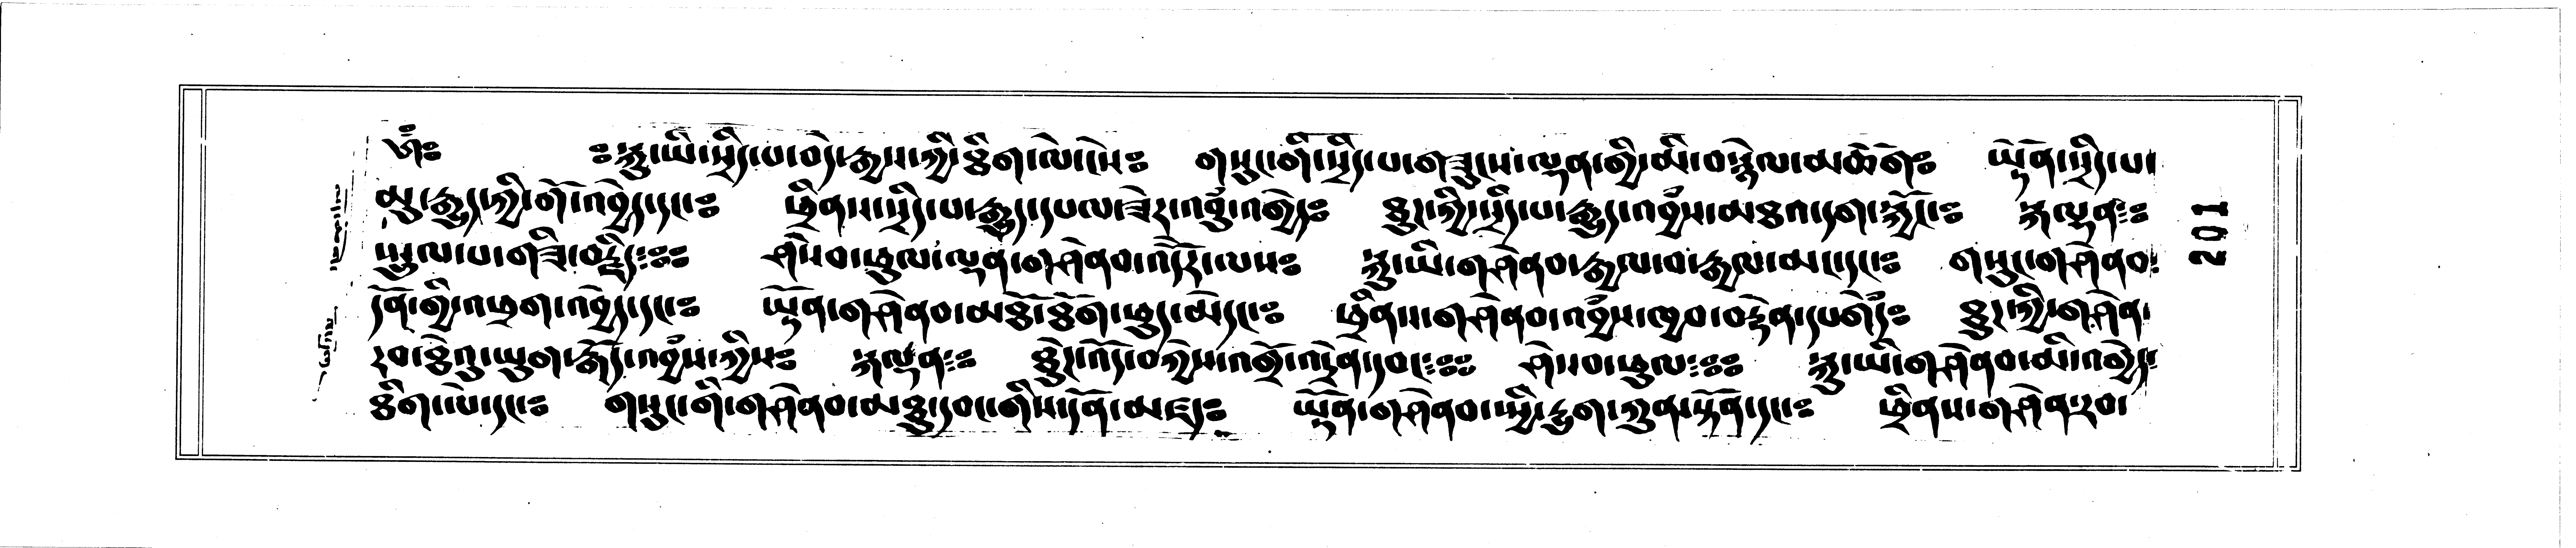སྐུ་ཡི་སྲིད་པ་བདེ་རྒྱས་ཐིག་ལེ་ངེསཿ གསུང་གི་སྲིད་པ་གཟུང་ལྡན་མི་བསྙེལ་མཆོགཿ ཡོན་ཏན་གྱི་སྲིད་པ་
མུ་རྒྱུད་ཀྱི་གོ་འབྱེདཿ ཕྲིན་ལས་སྲིད་པ་རྒྱུད་དཔལ་ཟེར་འབུམ་འབྱེདཿ ཐུགས་ཀྱི་སྲིད་པ་རྒྱུད་འབྱམས་མཐའ་དག་སྐྱོངཿ སྐལ་ལྡན་སློབ་མ་རྣམས་ལ་དབང་བསྐུར་བསཿ 
སྤྲུལ་པ་གཟི་བརྗིད་འགྲོ་འདྲེན་དབང་ཐོབ་ཤོགཿ ཐབས་ཀྱི་མཆོག་གྱུར་སྤྲུལ་པ་ལས་སྲིད་པཿ ཤེས་རབ་ཕུལ་ལྡན་གཤེན་རབ་འོད་ཟེར་ལསཿ སྐུ་ཡི་གཤེན་རབ་རྒྱལ་བ་རྒྱལ་མངཿ གསུང་གི་གཤེན་རབ་
དོན་གྱི་ཕྲག་འབྱེདཿ ཡོན་ཏན་གྱི་གཤེན་རབ་མཐོ་ཐོག་ཕུད་མེདཿ ཕྲིན་ལས་གཤེན་རབ་འབྱམས་ཁྱབ་རྟེན་དཔག་མེདཿ ཐུགས་ཀྱི་གཤེན་
རབ་ཐེའུ་ཡུག་རྒོད་འབྱམས་ཀྱིསཿ སྐལ་ལྡན་སློབ་མ་རྣམས་ལ་དབང་བསྐུར་བསཿ ཐུགས་རྗེ་འོད་བཀྱེས་འགྲོ་འདྲེན་དབང་ཐོབ་ཤོགཿ ཤེས་རབ་ཕུལ་ལྡན་གཤེན་རབ་འོད་ཟེར་ལསཿ སྐུ་ཡི་གཤེན་རབ་མི་འགྱེད་
ཐིག་ལེཿ གསུང་གི་གཤེན་རབ་མཐུ་དབང་དོན་མཛདཿ ཡོན་ཏན་གྱི་གཤེན་རབ་སྤྱི་རྒྱུག་ཀུན་སྟོནཿ ཕྲིན་ལས་གཤེན་རབ་